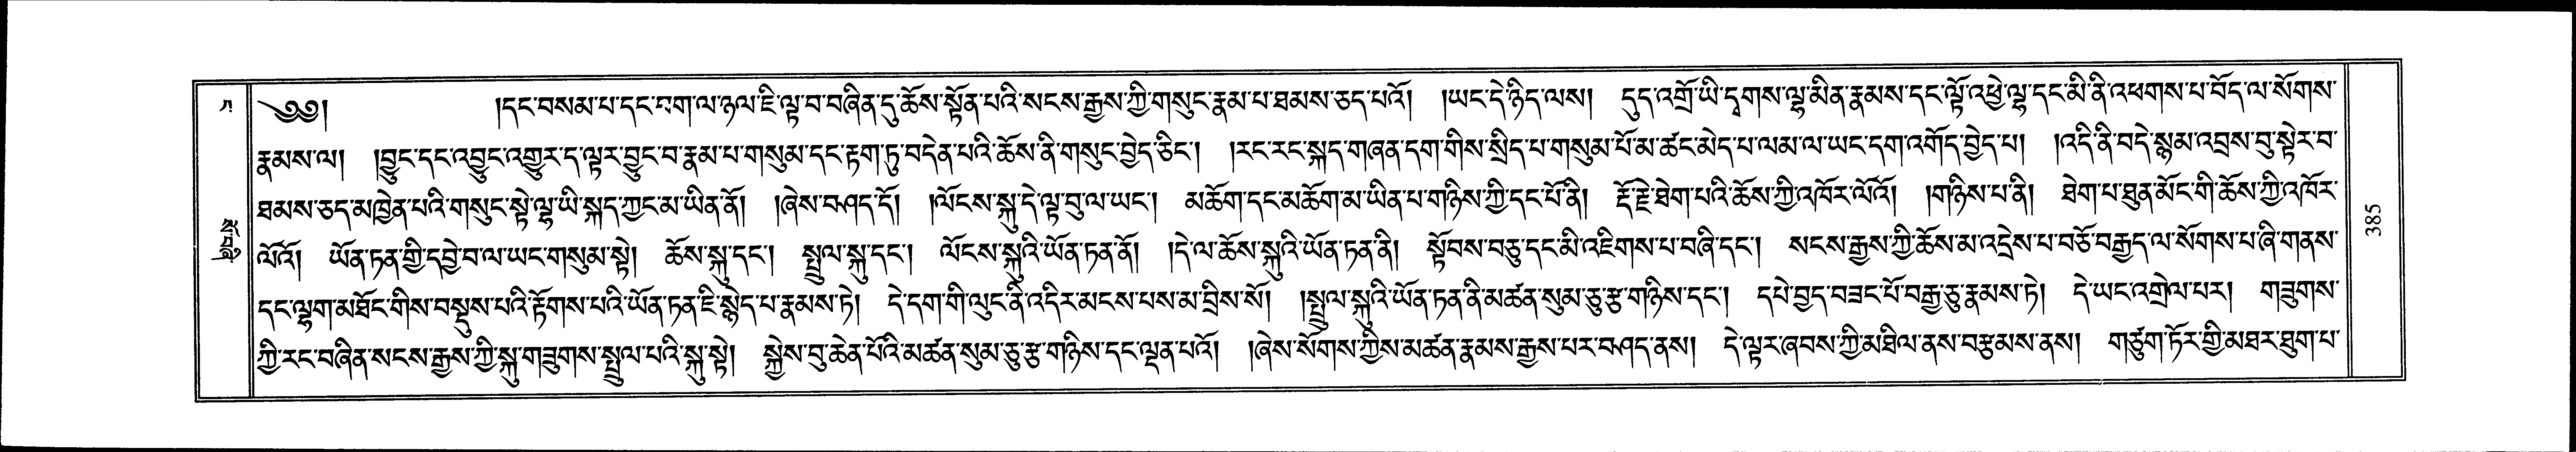༄༅། །དང་བསམ་པ་དང་བག་ལ་ཉལ་ཇི་ལྟ་བ་བཞིན་དུ་ཆོས་སྟོན་པའི་སངས་རྒྱས་ཀྱི་གསུང་རྣམ་པ་ཐམས་ཅད་པའོ། །ཡང་དེ་ཉིད་ལས། དུད་འགྲོ་ཡི་དྭགས་ལྷ་མིན་རྣམས་དང་ལྟོ་འཕྱེ་ལྷ་དང་མི་ནི་འཕགས་པ་བོད་ལ་སོགས་
རྣམས་ལ། །བྱུང་དང་འབྱུང་འགྱུར་ད་ལྟར་བྱུང་བ་རྣམ་པ་གསུམ་དང་རྟག་ཏུ་བདེན་པའི་ཆོས་ནི་གསུང་བྱེད་ཅིང་། །རང་རང་སྐད་གཞན་དག་གིས་སྲིད་པ་གསུམ་པོ་མ་ཚང་མེད་པ་ལམ་ལ་ཡང་དག་འགོད་བྱེད་པ། །འདི་ནི་བདེ་སྙམ་འབྲས་བུ་སྟེར་བ་
ཐམས་ཅད་མཁྱེན་པའི་གསུང་སྟེ་ལྷ་ཡི་སྐད་ཀྱང་མ་ཡིན་ནོ། །ཞེས་བཤད་དོ། །ལོངས་སྐུ་དེ་ལྟ་བུ་ལ་ཡང་། མཆོག་དང་མཆོག་མ་ཡིན་པ་གཉིས་ཀྱི་དང་པོ་ནི། རྡོ་རྗེ་ཐེག་པའི་ཆོས་ཀྱི་འཁོར་ལོའོ། །གཉིས་པ་ནི། ཐེག་པ་ཐུན་མོང་གི་ཆོས་ཀྱི་འཁོར་
ལོའོ། ཡོན་ཏན་གྱི་དབྱེ་བ་ལ་ཡང་གསུམ་སྟེ། ཆོས་སྐུ་དང་། སྤྲུལ་སྐུ་དང་། ལོངས་སྐུའི་ཡོན་ཏན་ནོ། །དེ་ལ་ཆོས་སྐུའི་ཡོན་ཏན་ནི། སྟོབས་བཅུ་དང་མི་འཇིགས་པ་བཞི་དང་། སངས་རྒྱས་ཀྱི་ཆོས་མ་འདྲེས་པ་བཅོ་བརྒྱད་ལ་སོགས་པ་ཞི་གནས་
དང་ལྷག་མཐོང་གིས་བསྡུས་པའི་རྟོགས་པའི་ཡོན་ཏན་ཇི་སྙེད་པ་རྣམས་ཏེ། དེ་དག་གི་ལུང་ནི་འདིར་མངས་པས་མ་བྲིས་སོ། །སྤྲུལ་སྐུའི་ཡོན་ཏན་ནི་མཚན་སུམ་ཅུ་རྩ་གཉིས་དང་། དཔེ་བྱད་བཟང་པོ་བརྒྱ་ཅུ་རྣམས་ཏེ། དེ་ཡང་འགྲེལ་པར། གཟུགས་
ཀྱི་རང་བཞིན་སངས་རྒྱས་ཀྱི་སྐུ་གཟུགས་སྤྲུལ་པའི་སྐུ་སྟེ། སྐྱེས་བུ་ཆེན་པོའི་མཚན་སུམ་ཅུ་རྩ་གཉིས་དང་ལྡན་པའོ། །ཞེས་སོགས་ཀྱིས་མཚན་རྣམས་རྒྱས་པར་བཤད་ནས། དེ་ལྟར་ཞབས་ཀྱི་མཐིལ་ནས་བརྩམས་ནས། གཙུག་ཏོར་གྱི་མཐར་ཐུག་པ་